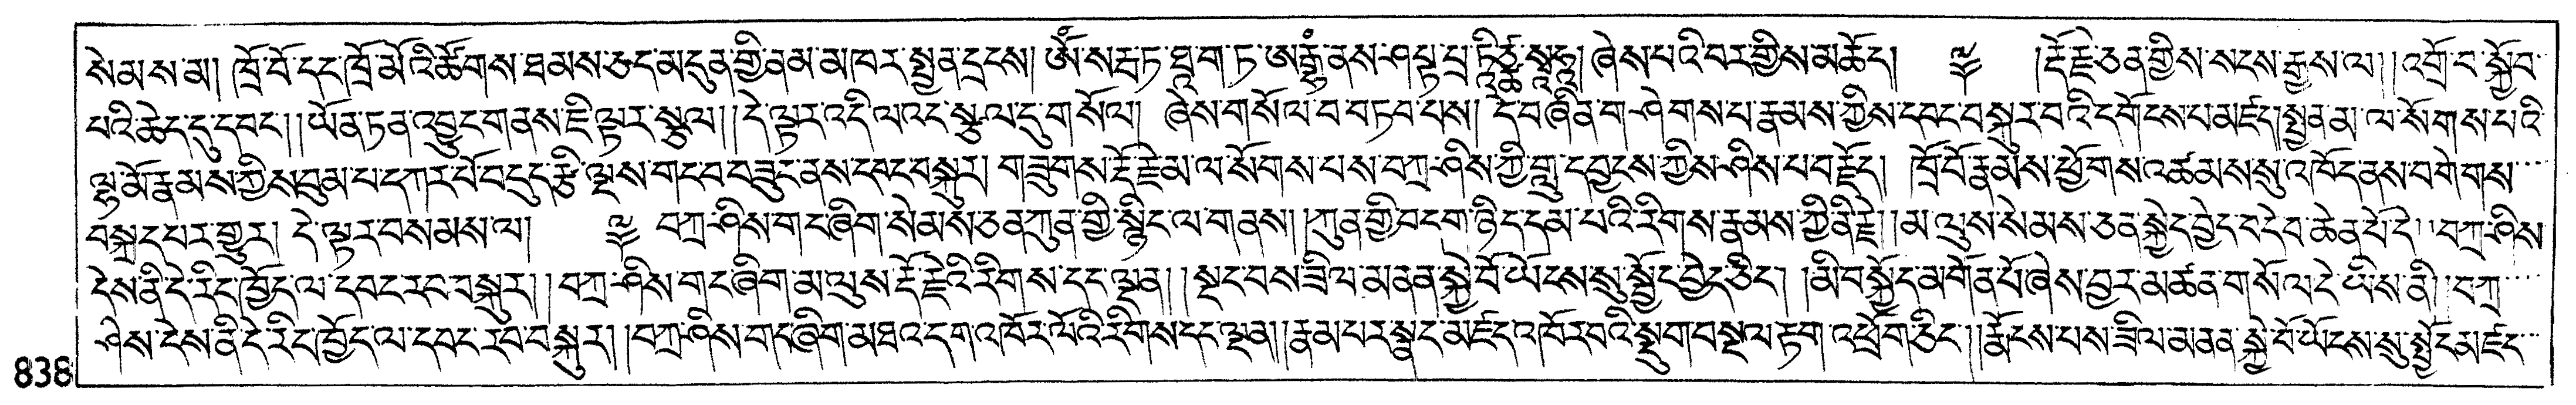སེམས་མ། ཁྲོ་བོ་དང་ཁྲོ་མོའི་ཚོགས་ཐམས་ཅད་མདུན་གྱི་ནམ་མཁར་སྤྱན་དྲངས། ཨོཾ་སརྦ་ཏ་ཐཱ་ག་ཏ་ཨརྒྷཾ་ནས་ཤཔྟ་པྲ་ཏཱིཙྪ་སྭཱཧཱ། ཞེས་པའི་བར་གྱིས་མཆོད། ༈ །རྡོ་རྗེ་ཅན་གྱིས་སངས་རྒྱས་ལ། །འགྲོ་བ་སྐྱོབ་
པའི་ཆེད་དུ་དབང་། །ཡོན་ཏན་འབྱུང་གནས་ཇི་ལྟར་སྩལ། །དེ་ལྟར་འདི་ལའང་སྩལ་དུ་གསོལ། ཞེས་གསོལ་བ་བཏབ་པས། དེ་བཞིན་གཤེགས་པ་རྣམས་ཀྱིས་དབང་བསྐུར་བའི་དགོངས་པ་མཛད། སྤྱན་མ་ལ་སོགས་པའི་
ལྷ་མོ་རྣམས་ཀྱིས་བུམ་པ་དཀར་པོ་བདུད་རྩི་ལྔས་གང་བ་བཟུང་ནས་དབང་བསྐུར། གཟུགས་རྡོ་རྗེ་མ་ལ་སོགས་པས་བཀྲ་ཤིས་ཀྱི་གླུ་དབྱངས་ཀྱིས་ཤིས་པ་བརྗོད། ཁྲོ་བོ་རྣམས་ཕྱོགས་འཚམས་སུ་འཁོད་ནས་བགེགས་
བསྐྲད་པར་གྱུར། དེ་ལྟར་བསམས་ལ། ༈ བཀྲ་ཤིས་གང་ཞིག་སེམས་ཅན་ཀུན་གྱི་སྙིང་ལ་གནས། །ཀུན་གྱི་བདག་ཉིད་དམ་པའི་རིགས་རྣམས་ཀྱི་ནི་རྗེ། །མ་ལུས་སེམས་ཅན་སྐྱེད་བྱེད་བདེ་བ་ཆེན་པོ་དེ། །བཀྲ་ཤིས་
དེས་ནི་དེ་རིང་ཁྱོད་ལ་དབང་རབ་བསྐུར། །བཀྲ་ཤིས་གང་ཞིག་མ་ལུས་རྡོ་རྗེའི་རིགས་དང་ལྡན། །སྡང་བས་ཟིལ་མནན་སྐྱེ་བོ་ཡོངས་སུ་སྦྱོང་བྱེད་ཅིང་། །མི་བསྐྱོད་མགོན་པོ་ཞེས་བྱར་མཚན་གསོལ་དེ་ཡིས་ནི། །བཀྲ་
ཤིས་དེས་ནི་དེ་རིང་ཁྱོད་ལ་དབང་རབ་བསྐུར། །བཀྲ་ཤིས་གང་ཞིག་མཐའ་དག་འཁོར་ལོའི་རིགས་དང་ལྡན། །རྣམ་པར་སྣང་མཛད་འཁོར་བའི་སྡུག་བསྔལ་རྟག་འཕྲོག་ཅིང་། །རྨོངས་པས་ཟིལ་མནན་སྐྱེ་བོ་ཡོངས་སུ་སྤྱོད་མཛད་